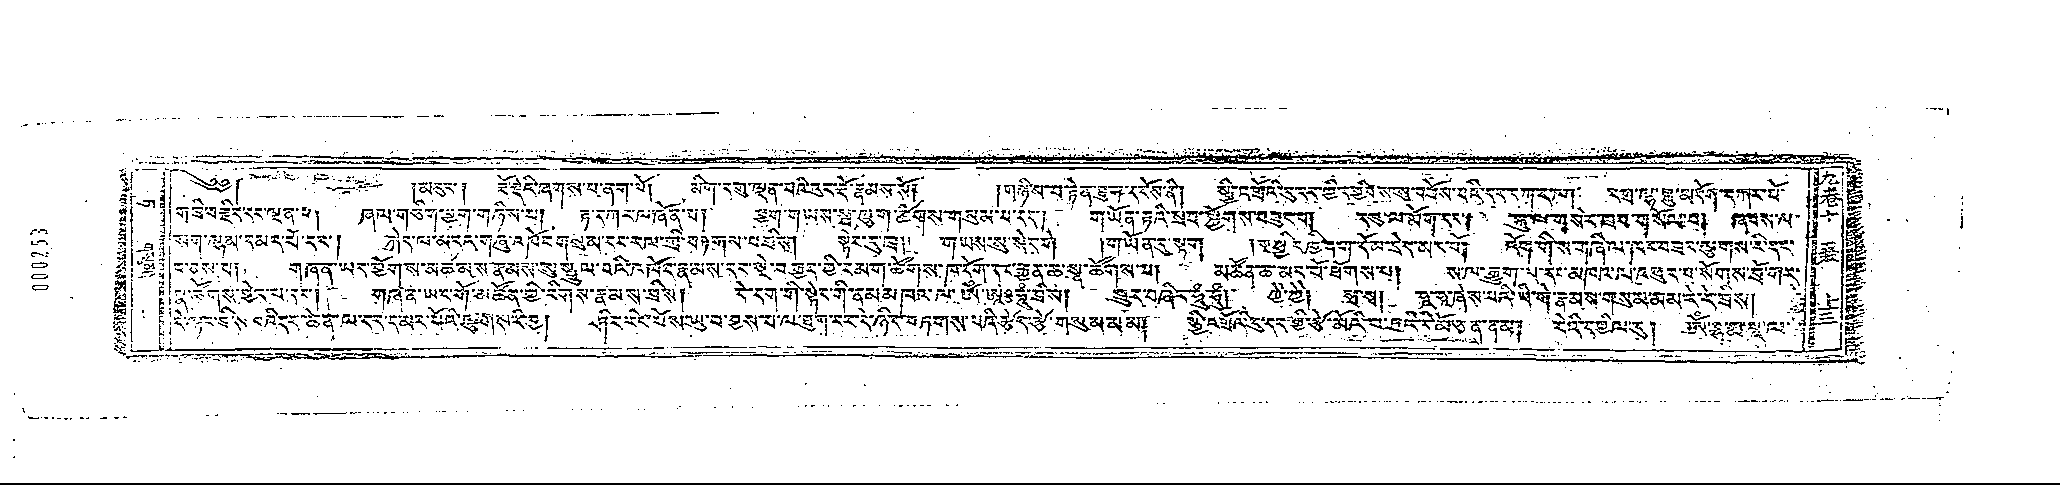༄༅། །མདུང་། རྡོ་རྗེའི་ཞགས་པ་ནག་པོ། མིག་དགུ་ལྡན་པའི་བུར་རྡོ་རྣམས་སོ། །གཉིས་པ་རྟེན་ཐུག་དངོས་ནི། །སྤྱི་འགྲོའི་རུ་དར་གྱི་དབྱིབས་སུ་བཟོས་པའི་དར་དཀར་ལ། དགྲ་ལྷ་སྐུ་མདོག་དཀར་པོ་
གཟི་བརྗིད་དང་ལྡན་པ། ཞལ་གཅིག་ཕྱག་གཉིས་པ། རྟ་དཀར་ལ་ཞོན་པ། ཕྱག་གཡས་སྦ་ལྕག་ཚིགས་གསུམ་པ་དང་། གཡོན་རྟའི་སྲབ་སྐྱོགས་བཟུང་པ། དབུལ་རྨོག་དང་། སྐུ་ལ་གསེར་ཁྲབ་གསེར་བོ། ཞབས་ལ་
སག་ལྷམ་དམར་པོ་དང་། རྐེད་ལ་མདའ་གཞུ་འཁོར་གསུམ་དང་རལ་གྲི་བཏགས་པ་བྲིས། སྟེང་དུ་ཁྲ། གཡས་སུ་སེང་གེ །གཡོན་དུ་སྟག །སྔ་ཕྱིར་ཁྱི་ནག་དོམ་དྲེད་མང་པོ། འོག་གི་ས་གཞི་ལ་ཁང་བཟང་ལྕགས་རི་དང་
བཅས་པ། གཞན་ཡང་ཕྱོགས་མཚམས་རྣམས་སུ་སྤྲུལ་བའི་འཁོར་རྣམས་དང་སྡེ་བརྒྱད་ཀྱི་དམག་ཚོགས་ཁ་དོག་དང་རྒྱན་ཆ་སྣ་ཚོགས་པ། མཚོན་ཆ་མང་པོ་ཐོགས་པ། ས་ལ་རྒྱུག་པ་དང་མཁའ་ལ་འཕུར་བ་སོགས་བྲོ་གར་
སྣ་ཚོགས་བྱེད་པ་དང་། གཞན་ཡང་གོ་མཚོན་གྱི་རིགས་རྣམས་བྲིས། དེ་དག་གི་སྟེང་གི་ནམ་མཁའ་ལ་ཨོཾ་ཨཱཿ ཧཱུཾ་བྲིས། ཟུར་བཞིར་ཧཱུཾ་ཧཱུཾ། ཀྱཻ་ཀྱཻ། སྦ་སྦ། ཧཱ་ཧཱ་ཞེས་པའི་གི་གེ་རྣམས་གསུམ་མམ་རེ་རེ་བྲིས།
དེ་ལྟར་བྲིས་པའི་དར་ཆེན་ལ་དར་དམར་པོའི་ལྕགས་རི་བྱ། ཤིང་རིང་པོས་ཡུ་བ་བྱས་པ་ལ་ཐུག་དར་དེ་ཉིད་བཏགས་པའི་རྩེད་རྩེ་གསུམ་མམ། སྦྱི་འགྲོའི་རུ་དར་གྱི་རྩེ་མོའི་བ་ཏྲའི་རི་མོ་ཅན་ནམ། དེའི་དཀྱིལ་དུ། ཨོཾ་དྷ་རྨ་བཱ་ཡ་